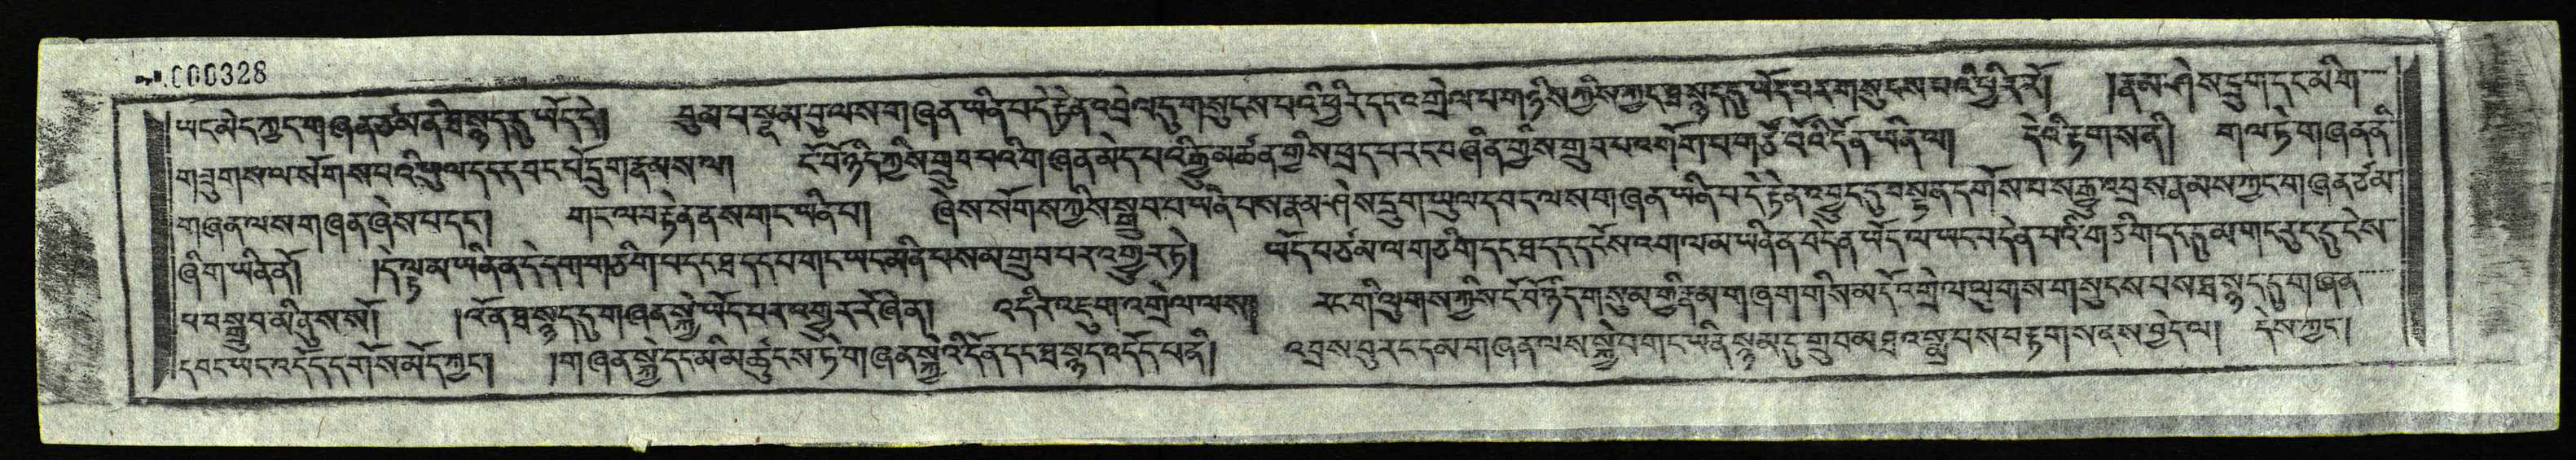ཡང་མེད་ཀྱང་གཞན་ཅེས་ནི་ཐ་སྙད་དུ་ཡོད་དེ། བུམ་པ་སྣམ་བུ་ལས་གཞན་ཡིན་པ་དེ་རྟེན་འབྲེལ་དུ་གསུངས་པའི་ཕྱིར་དང་འགྲེལ་པ་གཉིས་ཀྱིས་ཀྱང་ཐ་སྙད་དུ་ཡོད་པར་གསུངས་པའི་ཕྱིར་རོ། །རྣམ་ཤེས་དྲུག་དང་མིག་
གཟུགས་ལ་སོགས་པའི་ཡུལ་དང་དབང་པོ་དྲུག་རྣམས་ལ། ངོ་བོ་ཉིད་ཀྱིས་གྲུབ་པའི་གཞན་མེད་པའི་རྒྱུ་མཚན་གྱིས་ཕྲད་པ་རང་བཞིན་གྱིས་གྲུབ་པ་འགོག་པ་གཙོ་བོའི་དོན་ཡིན་ལ། དེའི་རྟགས་ནི། གལ་ཏེ་གཞན་ནི་
གཞན་ལས་གཞན་ཞེས་པ་དང་། གང་ལ་བརྟེན་ནས་གང་ཡིན་པ། ཞེས་སོགས་ཀྱིས་སྒྲུབ་པ་ཡིན་པས་རྣམ་ཤེས་དྲུག་ཡུལ་དབང་ལས་གཞན་ཡིན་པ་དེ་རྟེན་འབྱུང་དུ་བསྟན་དགོས་པས་རྒྱུ་འབྲས་རྣམས་ཀྱང་གཞན་ཙམ་
ཞིག་ཡིན་ནོ། །དེ་ལྟ་མ་ཡིན་ན་དེ་དག་གཅིག་པ་དང་ཐ་དད་པ་གང་ཡང་མིན་པས་མ་གྲུབ་པར་འགྱུར་ཏེ། ཡོད་པ་ཙམ་ལ་གཅིག་དང་ཐ་དད་དངོས་འགལ་མ་ཡིན་ན་བདེན་ཡོད་ལ་ཡང་བདེན་པའི་གཅིག་དང་དུ་མ་གང་རུང་དུ་ངེས་
པ་བསྒྲུབ་མི་ནུས་སོ། །འོ་ན་ཐ་སྙད་དུ་གཞན་སྐྱེ་ཡོད་པར་འགྱུར་རོ་ཞེ་ན། འདིར་འཇུག་འགྲེལ་ལས། རང་གི་ལུགས་ཀྱིས་ངོ་བོ་ཉིད་གསུམ་གྱི་རྣམ་གཞག་གིས་མདོ་འགྲེལ་ལུགས་གསུངས་པས་ཐ་སྙད་དུ་གཞན་
དབང་ཡང་འདོད་དགོས་མོད་ཀྱང་། །གཞན་སྐྱེ་དང་མི་མཚུངས་ཏེ་གཞན་སྐྱེའི་དོན་དང་ཐ་སྙད་འདོད་པ་ནི། འབྲས་བུ་རང་དམ་གཞན་ལས་སྐྱེ་བ་གང་ཡིན་སྙམ་དུ་གྲུབ་མཐའ་སྨྲ་པས་བརྟགས་ནས་བྱེད་ལ། དེས་ཀྱང་།